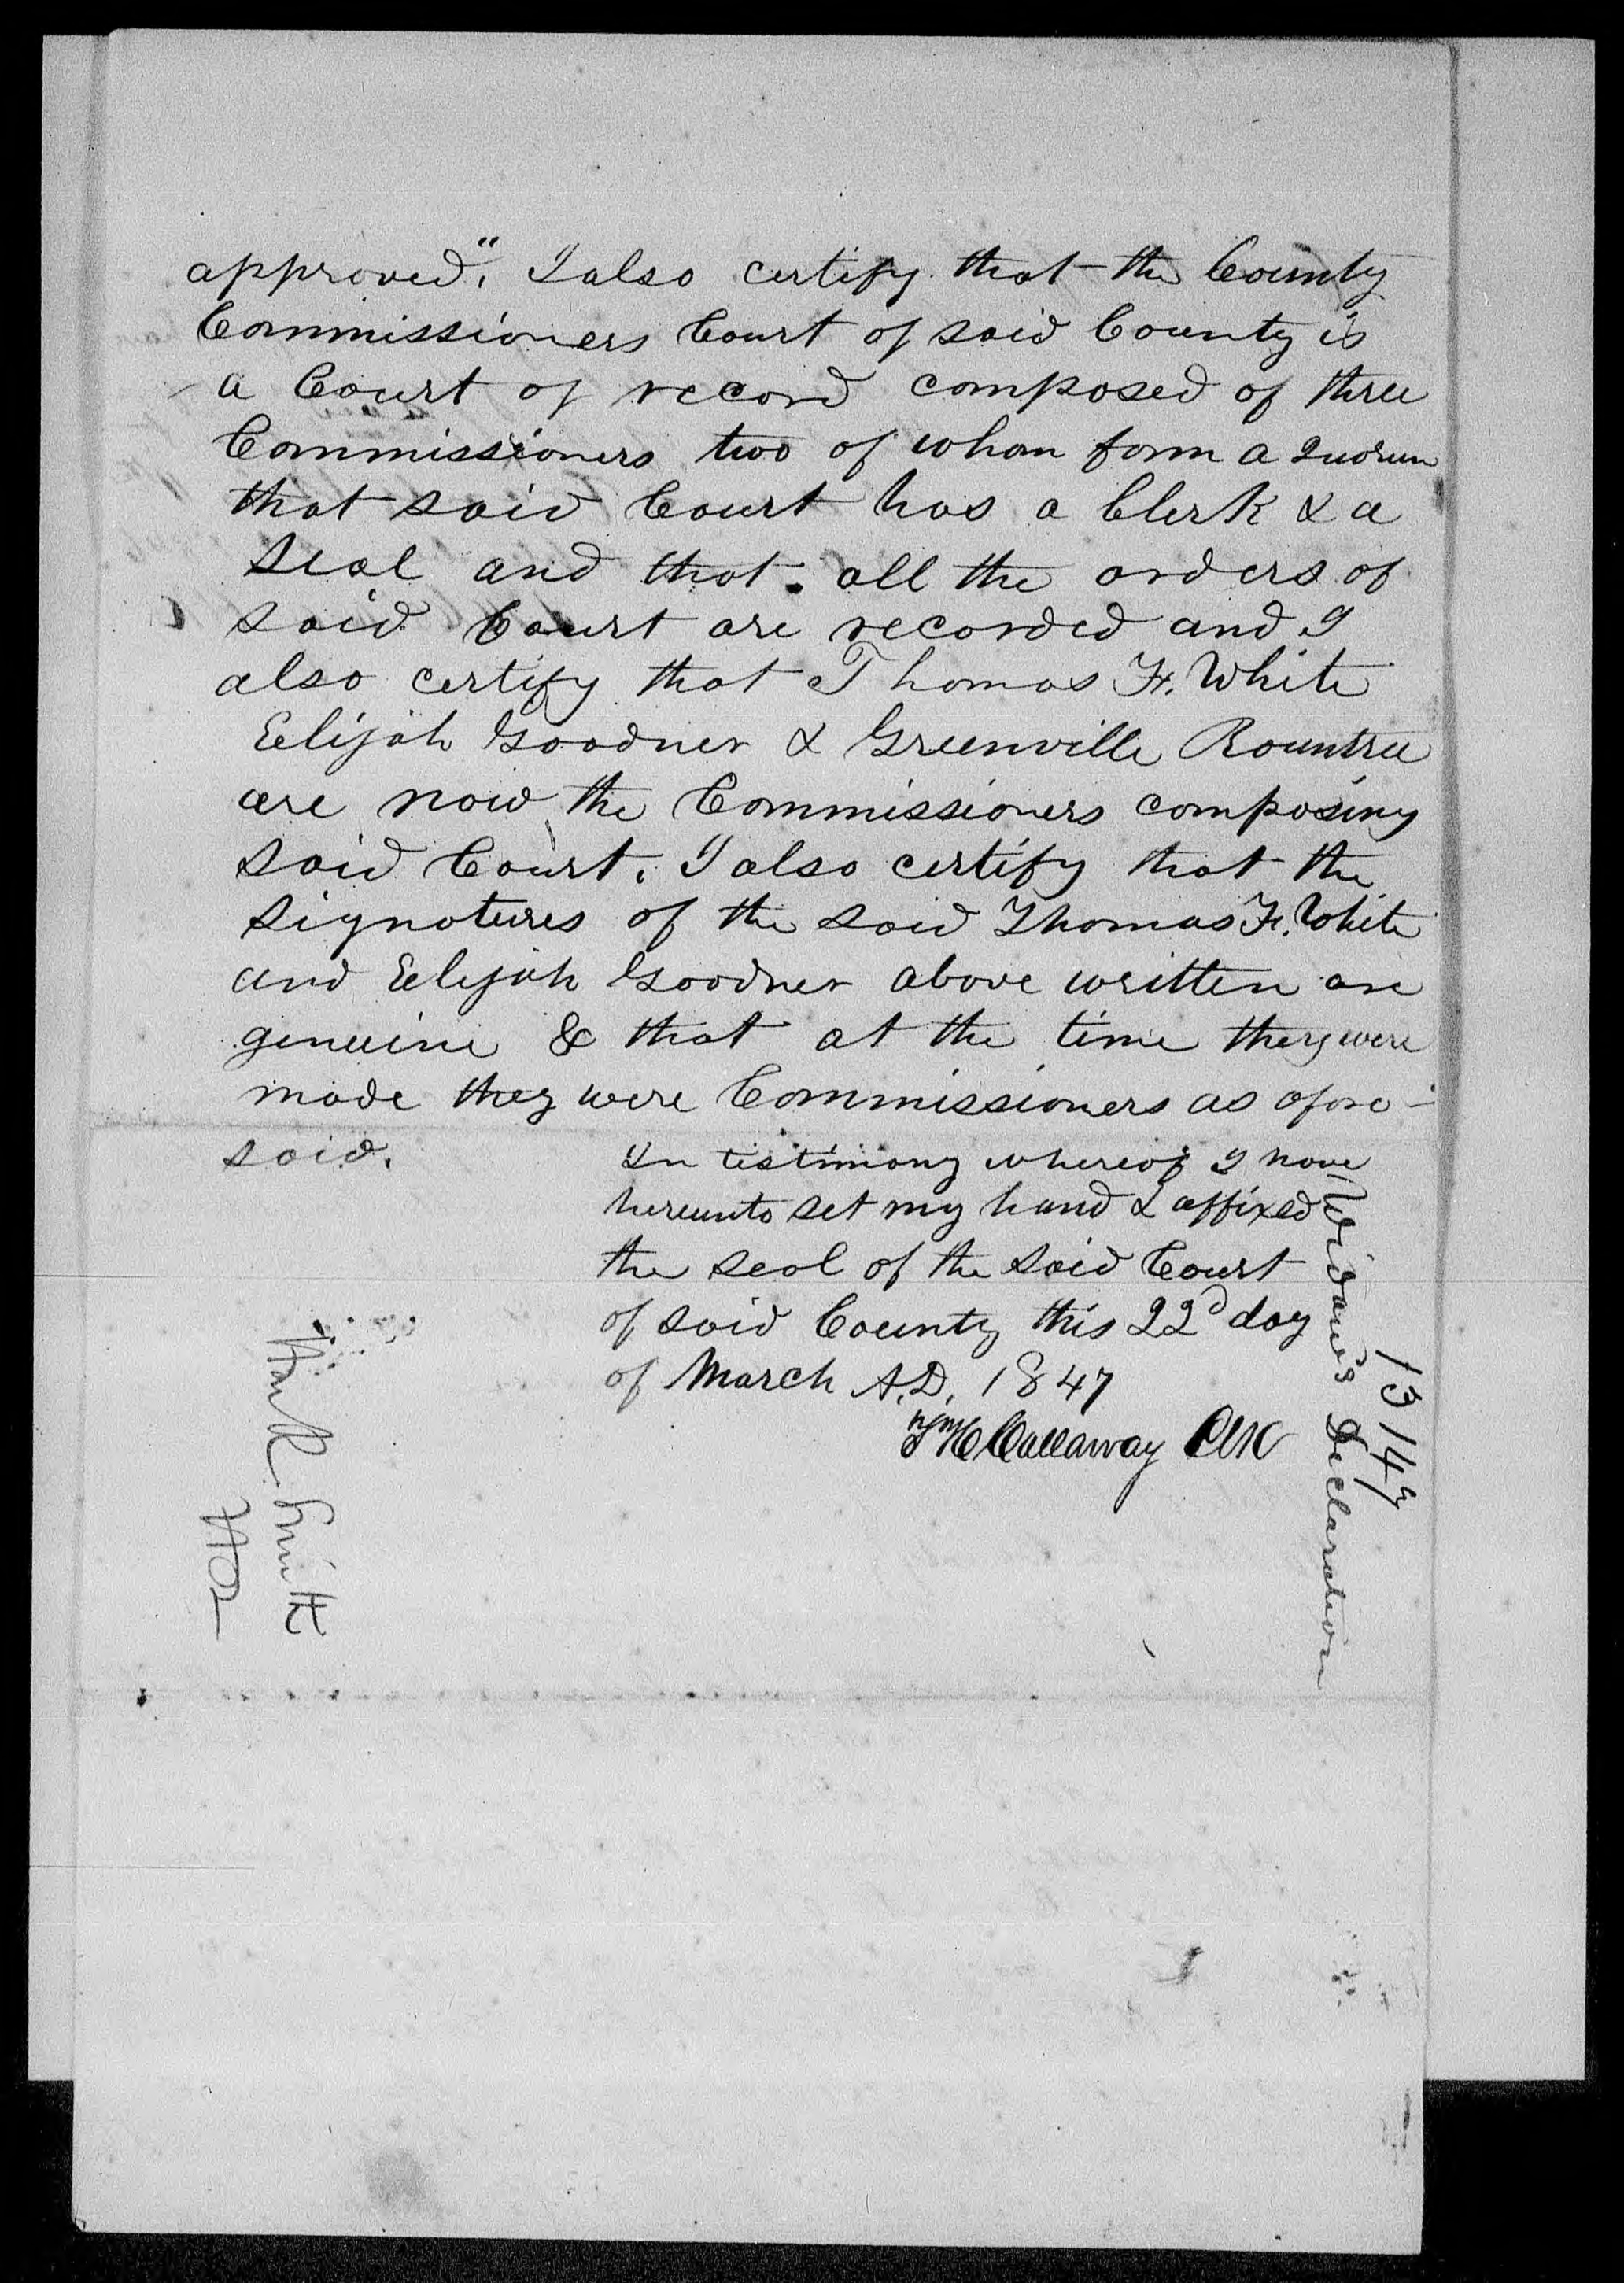approved." I also certify that the County Commissioners Court of said County is a Court of record composed of three Commissioners two of whom form a Quorum that said Court has a Clerk & a Seal and that all the orders of said Court are recorded and I also certify that Thomas F. White Elijah Goodner & Greenville Rountree are now the Commissioners composing said Court. I also certify that the signatures of the said Thomas F. White and Elijah Goodner above written are genuine & that at the time they were made they were commissioners as aforesaid.
 
In testimony whereof I have 
hereunto set my hand & affixed 
the seal of the said Court 
of said County this 22d day 
of March A.D. 1847 

M Callaway Clk 

13147
Widow's Declaration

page: 9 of 93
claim: widow's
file: W. 21792, for Thomas Mc Clurken, South Carolina